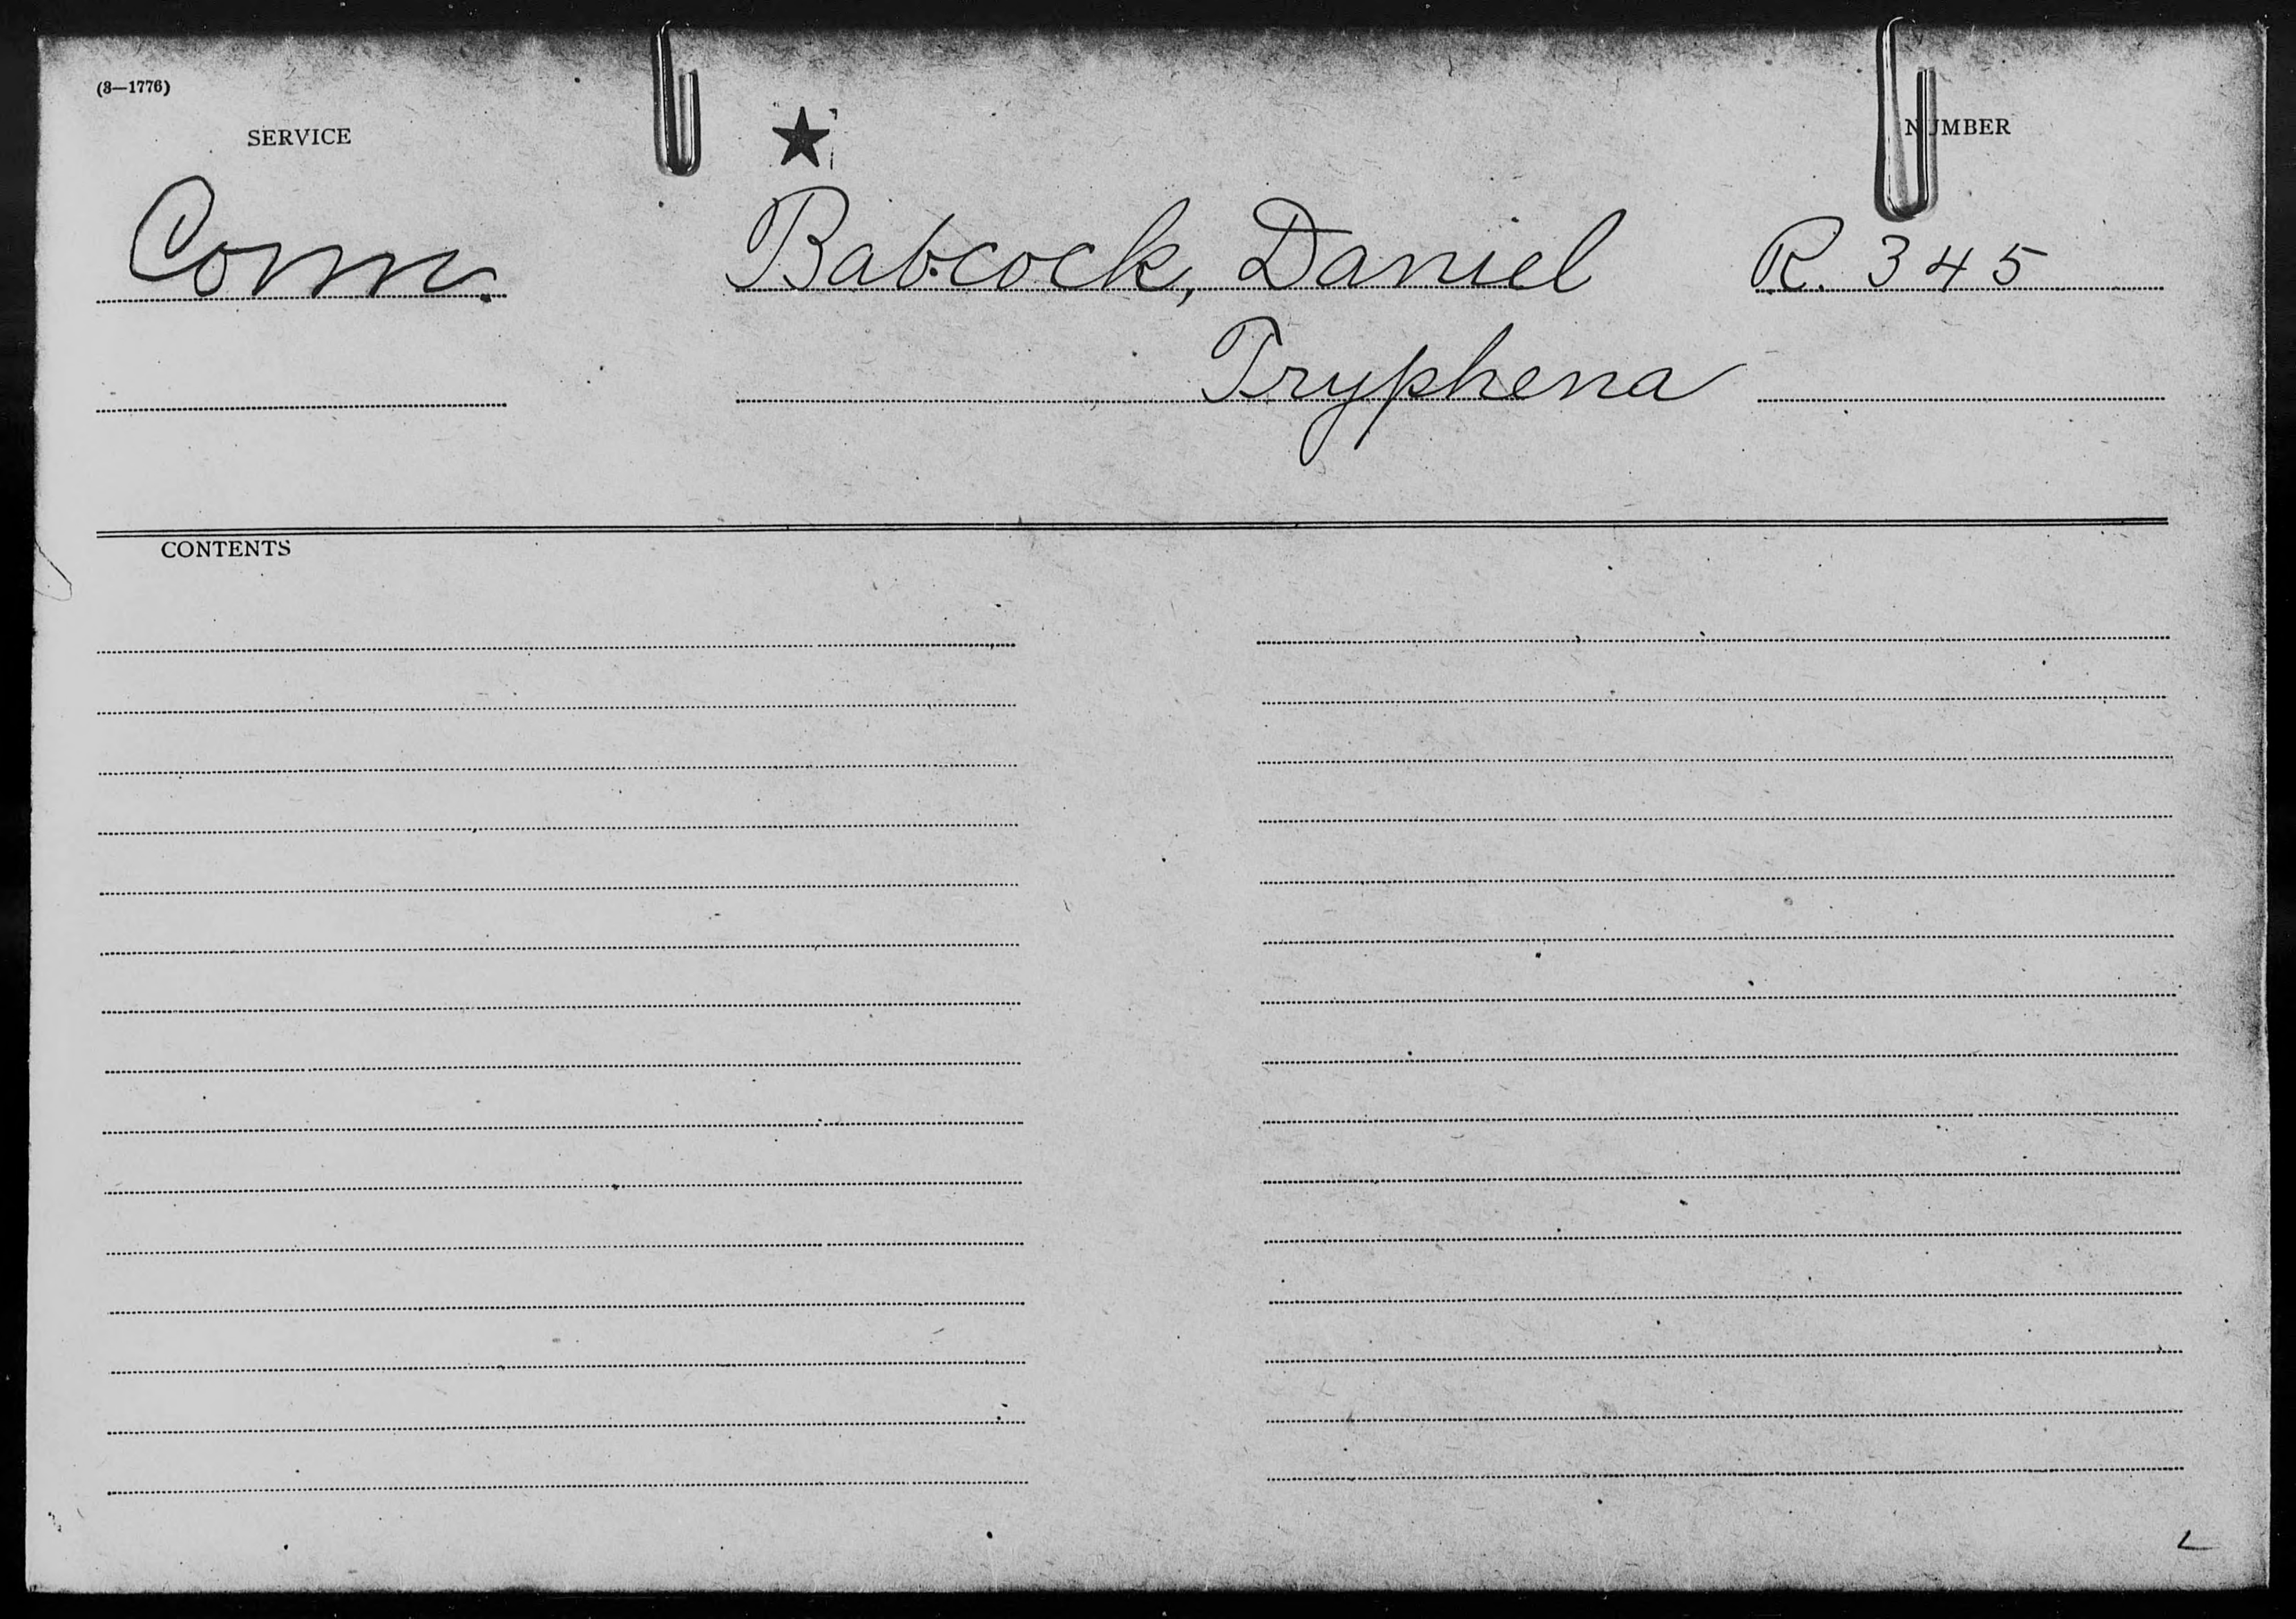SERVICE   Conn.
* Babcock, Daniel
Tryphena
NUMBER  R. 345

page: 1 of 10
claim: rejected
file: R. 345, Daniel Babcock, Conn.